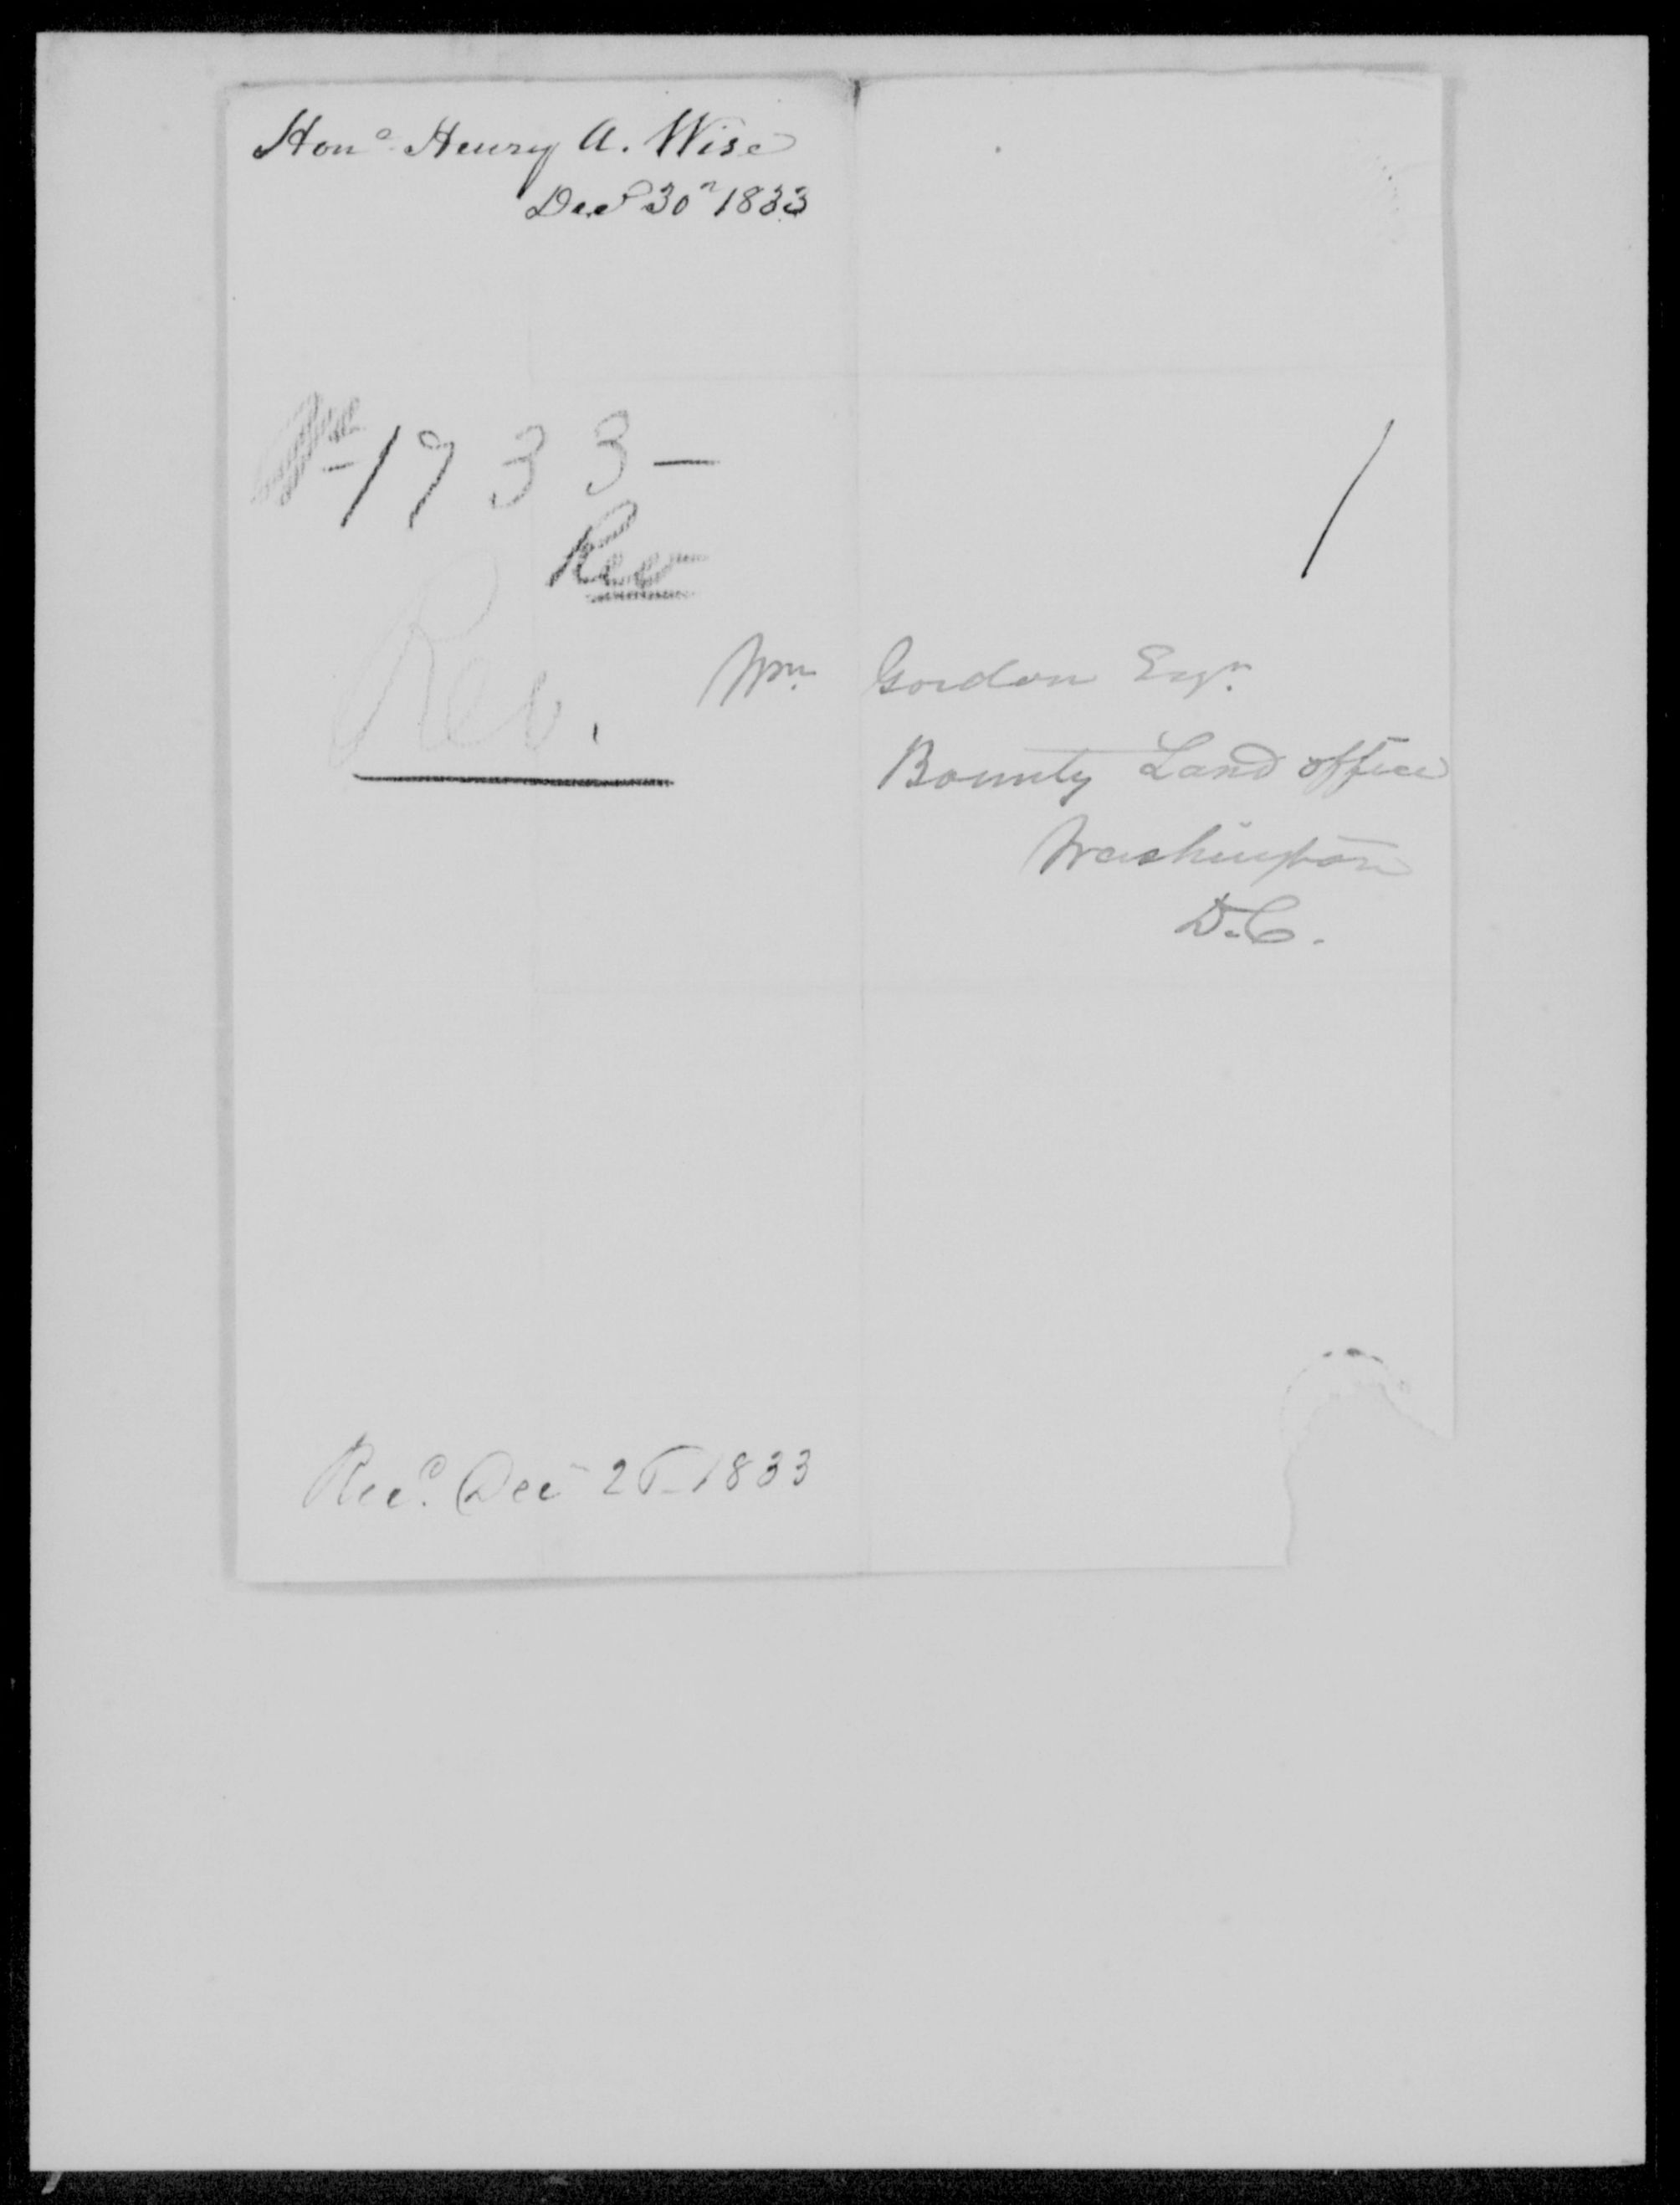Hono. Henry A. Wise
Dec 30h 1833

No 1733 -
Rev
Rev.
Wm Gordon Esqr
Bounty Land Office 
Washington
D.C.
Recd Dec 20 1833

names: Wm Gordon, Henry A Wise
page: 12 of 59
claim: widow's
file: W. 6427, Samuel Waples, Va.